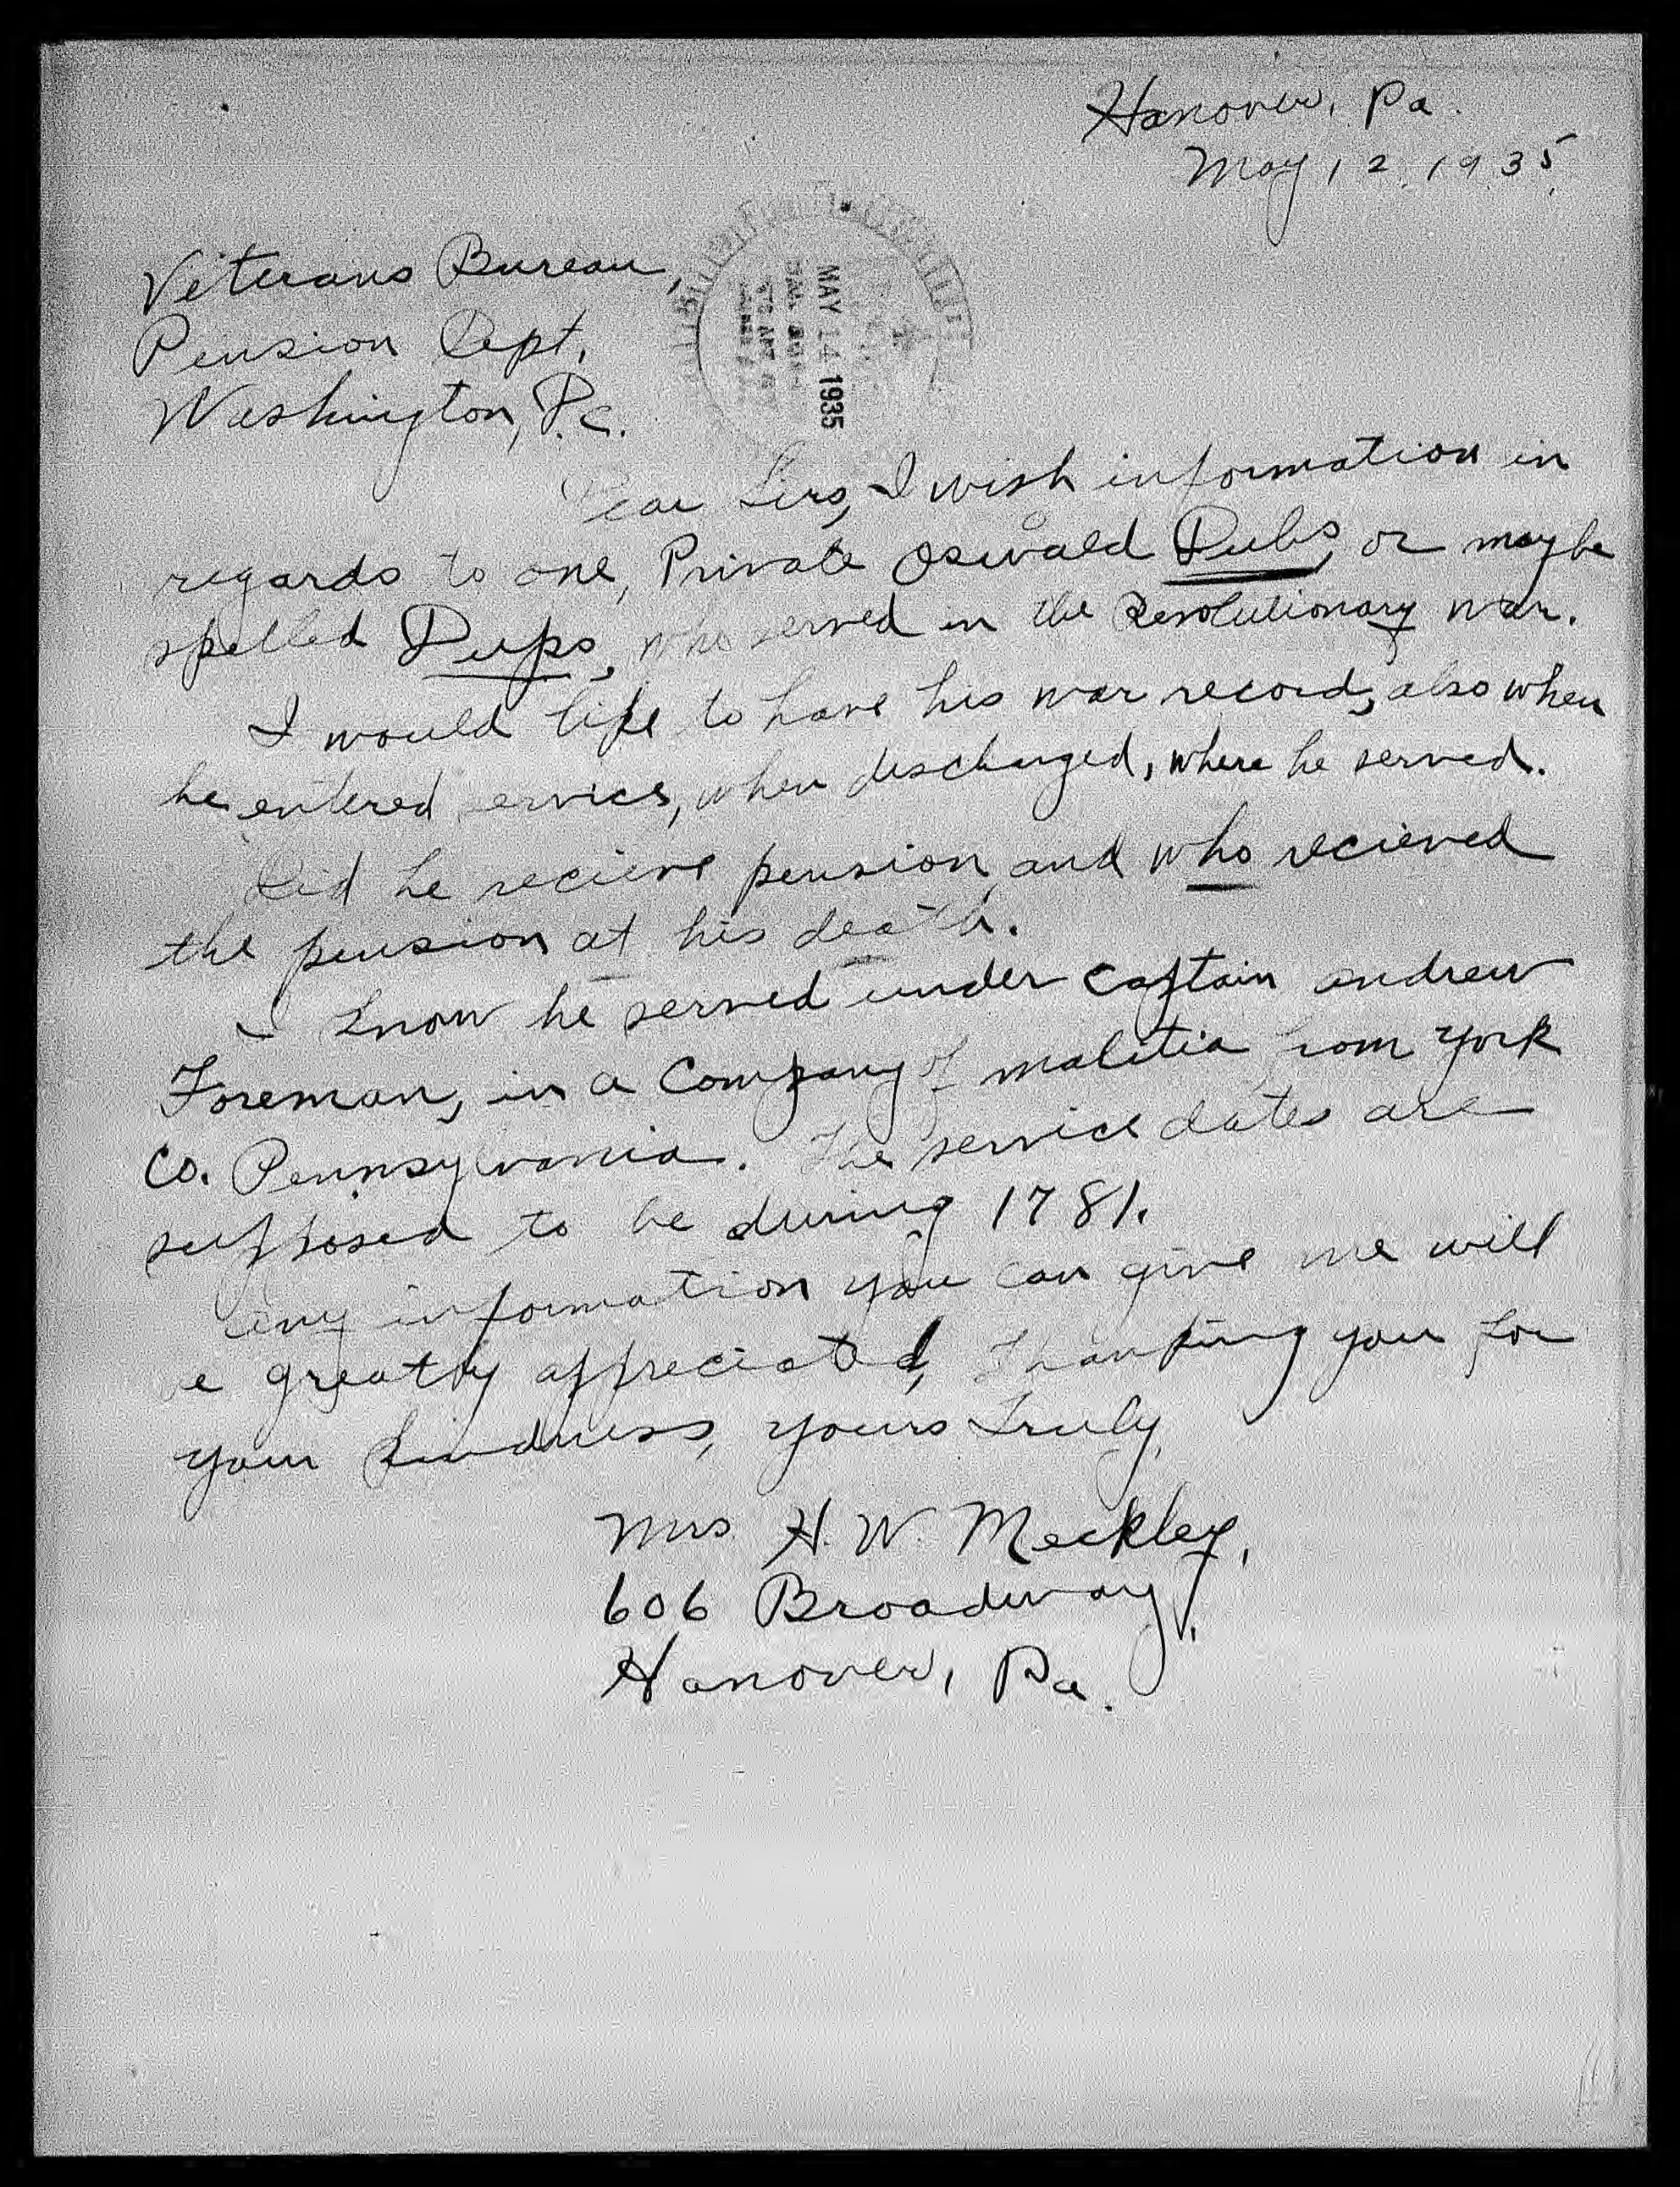Hanover PA
                     May 12, 1935

Veterans Bureau
Pension Dept. Washington, DC

Dear Sears, I wish information in regards to one Private Oswald Dubs or maybe spelled Dups, who swerved in the Revolutionary War
      I would like to have his war records, also when he entered service, where discharged, where he served.
     Did he recieve (sic) pension, and who recieved (sic) the pension at his death.
     I know he served under Captain Andrew Foreman, in a company of malitia (sic) from York Co. Pennsylvania.  The service dates are supposed to be during 1781.
     Any information you can give me will be greatly appreciated.  Thanking you for your kindness, Yours Truly,

                         Mrs. H.W. Meckley
                         606 Broadway
                          Hanover, Pa.

(stamp)
RECEIVED
MAY 14 1935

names: H W Meckley; Andrew Foreman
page: 8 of 11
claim: bounty land warrant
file: B. L. Wt. 2110-100, for Patrick Kelly, Pennsylvania